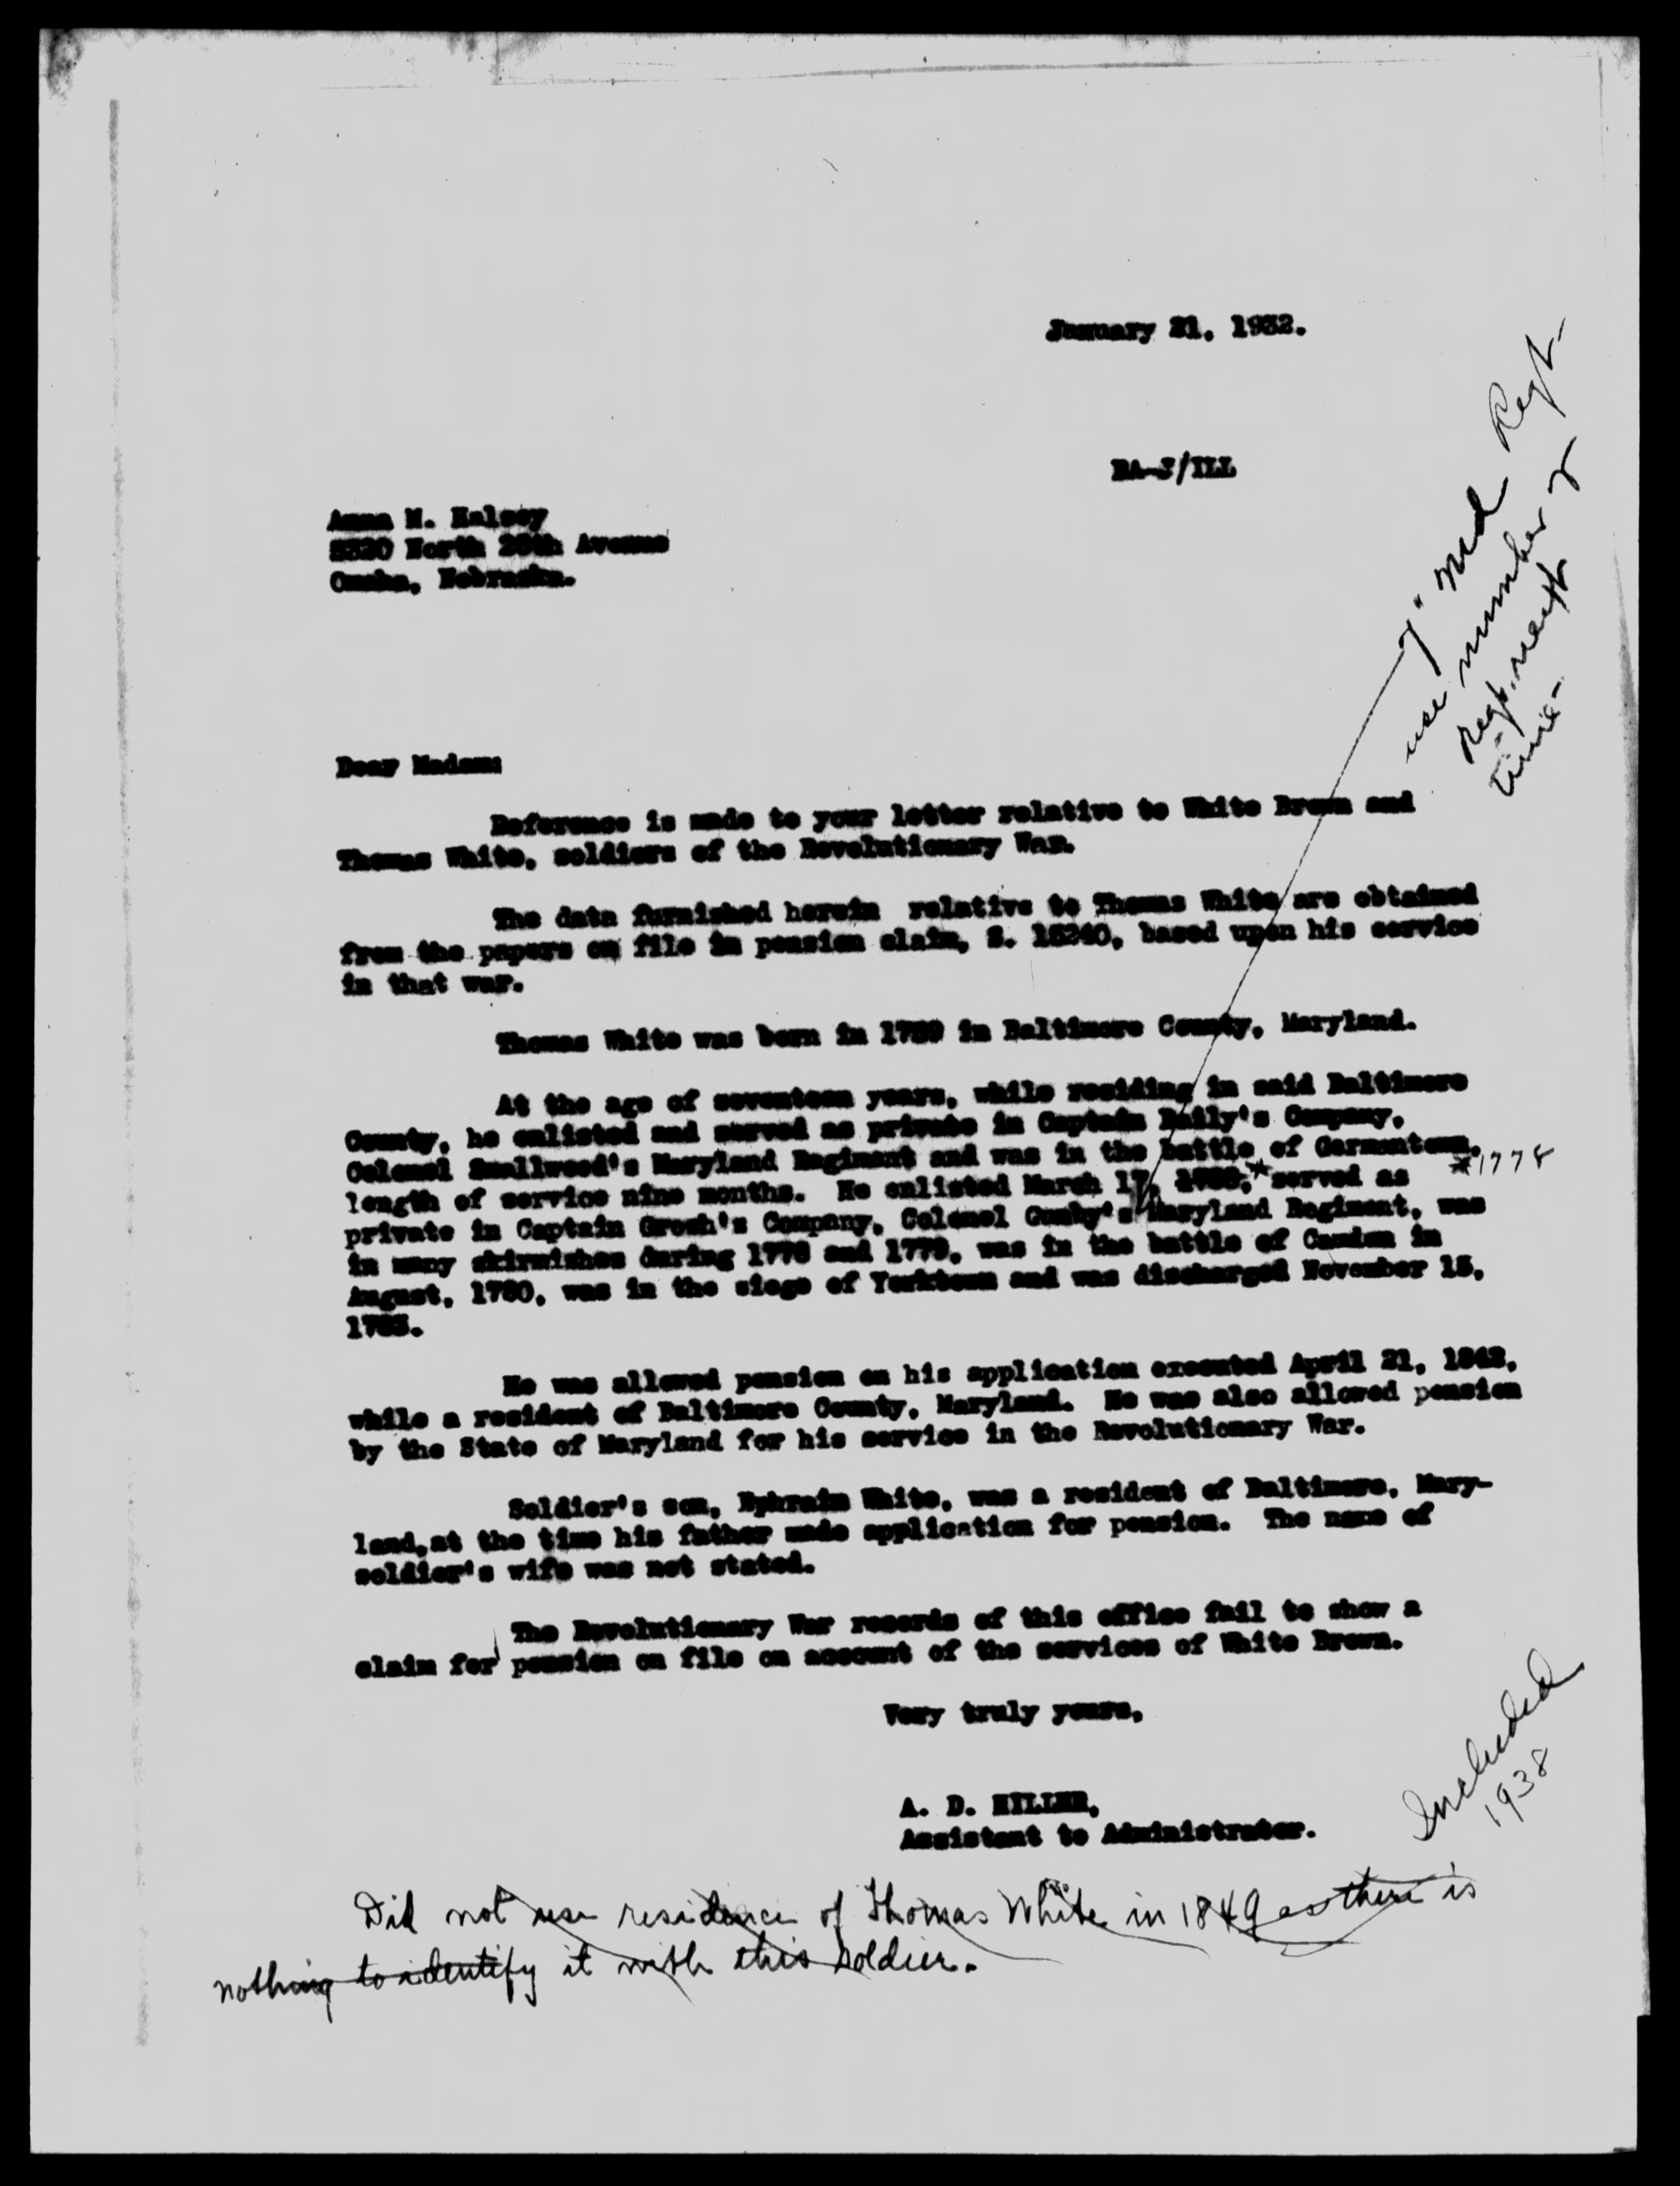January 21, 1922.

Anna M. Halsey | BAJ/ILL
520 North 28th Avenue
Omaha, Nebraska.

Dear Madam:

Reference is made to your letter relative to White Brown and 
Thomas White, soldiers of the Revolutionary War.

The data furnished herein relative to Thomas White are obtained 
from the pages on file in pension claim, S. 15240, based upon his service 
in that war.

Thomas White was born in 1759 in Baltimore County, Maryland.

At the age of seventeen years, while residing in said Baltimore 
County, he enlisted and served as private in Captain Baily's Company, 
Colonel Smallwood's Maryland Regiment and was in the battle of Germantown, 
length of service nine months.  He enlisted March 17, [illegible]* served as  *1778
private in Captain Gresh's Company, Colonel Gunby's Maryland Regiment, was 
in many skirmishes during 1778 and 1779, was in the battle of Camden in 
August 1780, was in the siege of Yorktown and was discharged November 15, 
1783.
[Note regarding Colonel Gunby's Maryland Regiment: 7" Md Regt
use number of regt. next time.]

He was allowed pension on his application executed April 21, 1842, 
while a resident of Baltimore County, Maryland.  He was also allowed pension 
by the State of Maryland for his service in the Revolutionary War.

Soldier's son, Ephraim White, was a resident of Baltimore, Mary
land, at the time his father made application for pension.  The name of 
soldier's wife was not stated.

The Revolutionary War records of this office fail to show a 
claim for pension on file on account of the services of White Brown.

Very truly yours,

A. D. HILLDER,
Assistant to Administrator.

[Notes: [struck out: Did not use residence of Thomas White in 1849 as there is 
nothing to identify it with this soldier.]  Included 1938]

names: Anna M Halsey, Ephraim White, White Brown, A D Hiller, Thomas White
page: 36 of 43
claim: survivor's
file: S. 15240, Thomas White, Md.